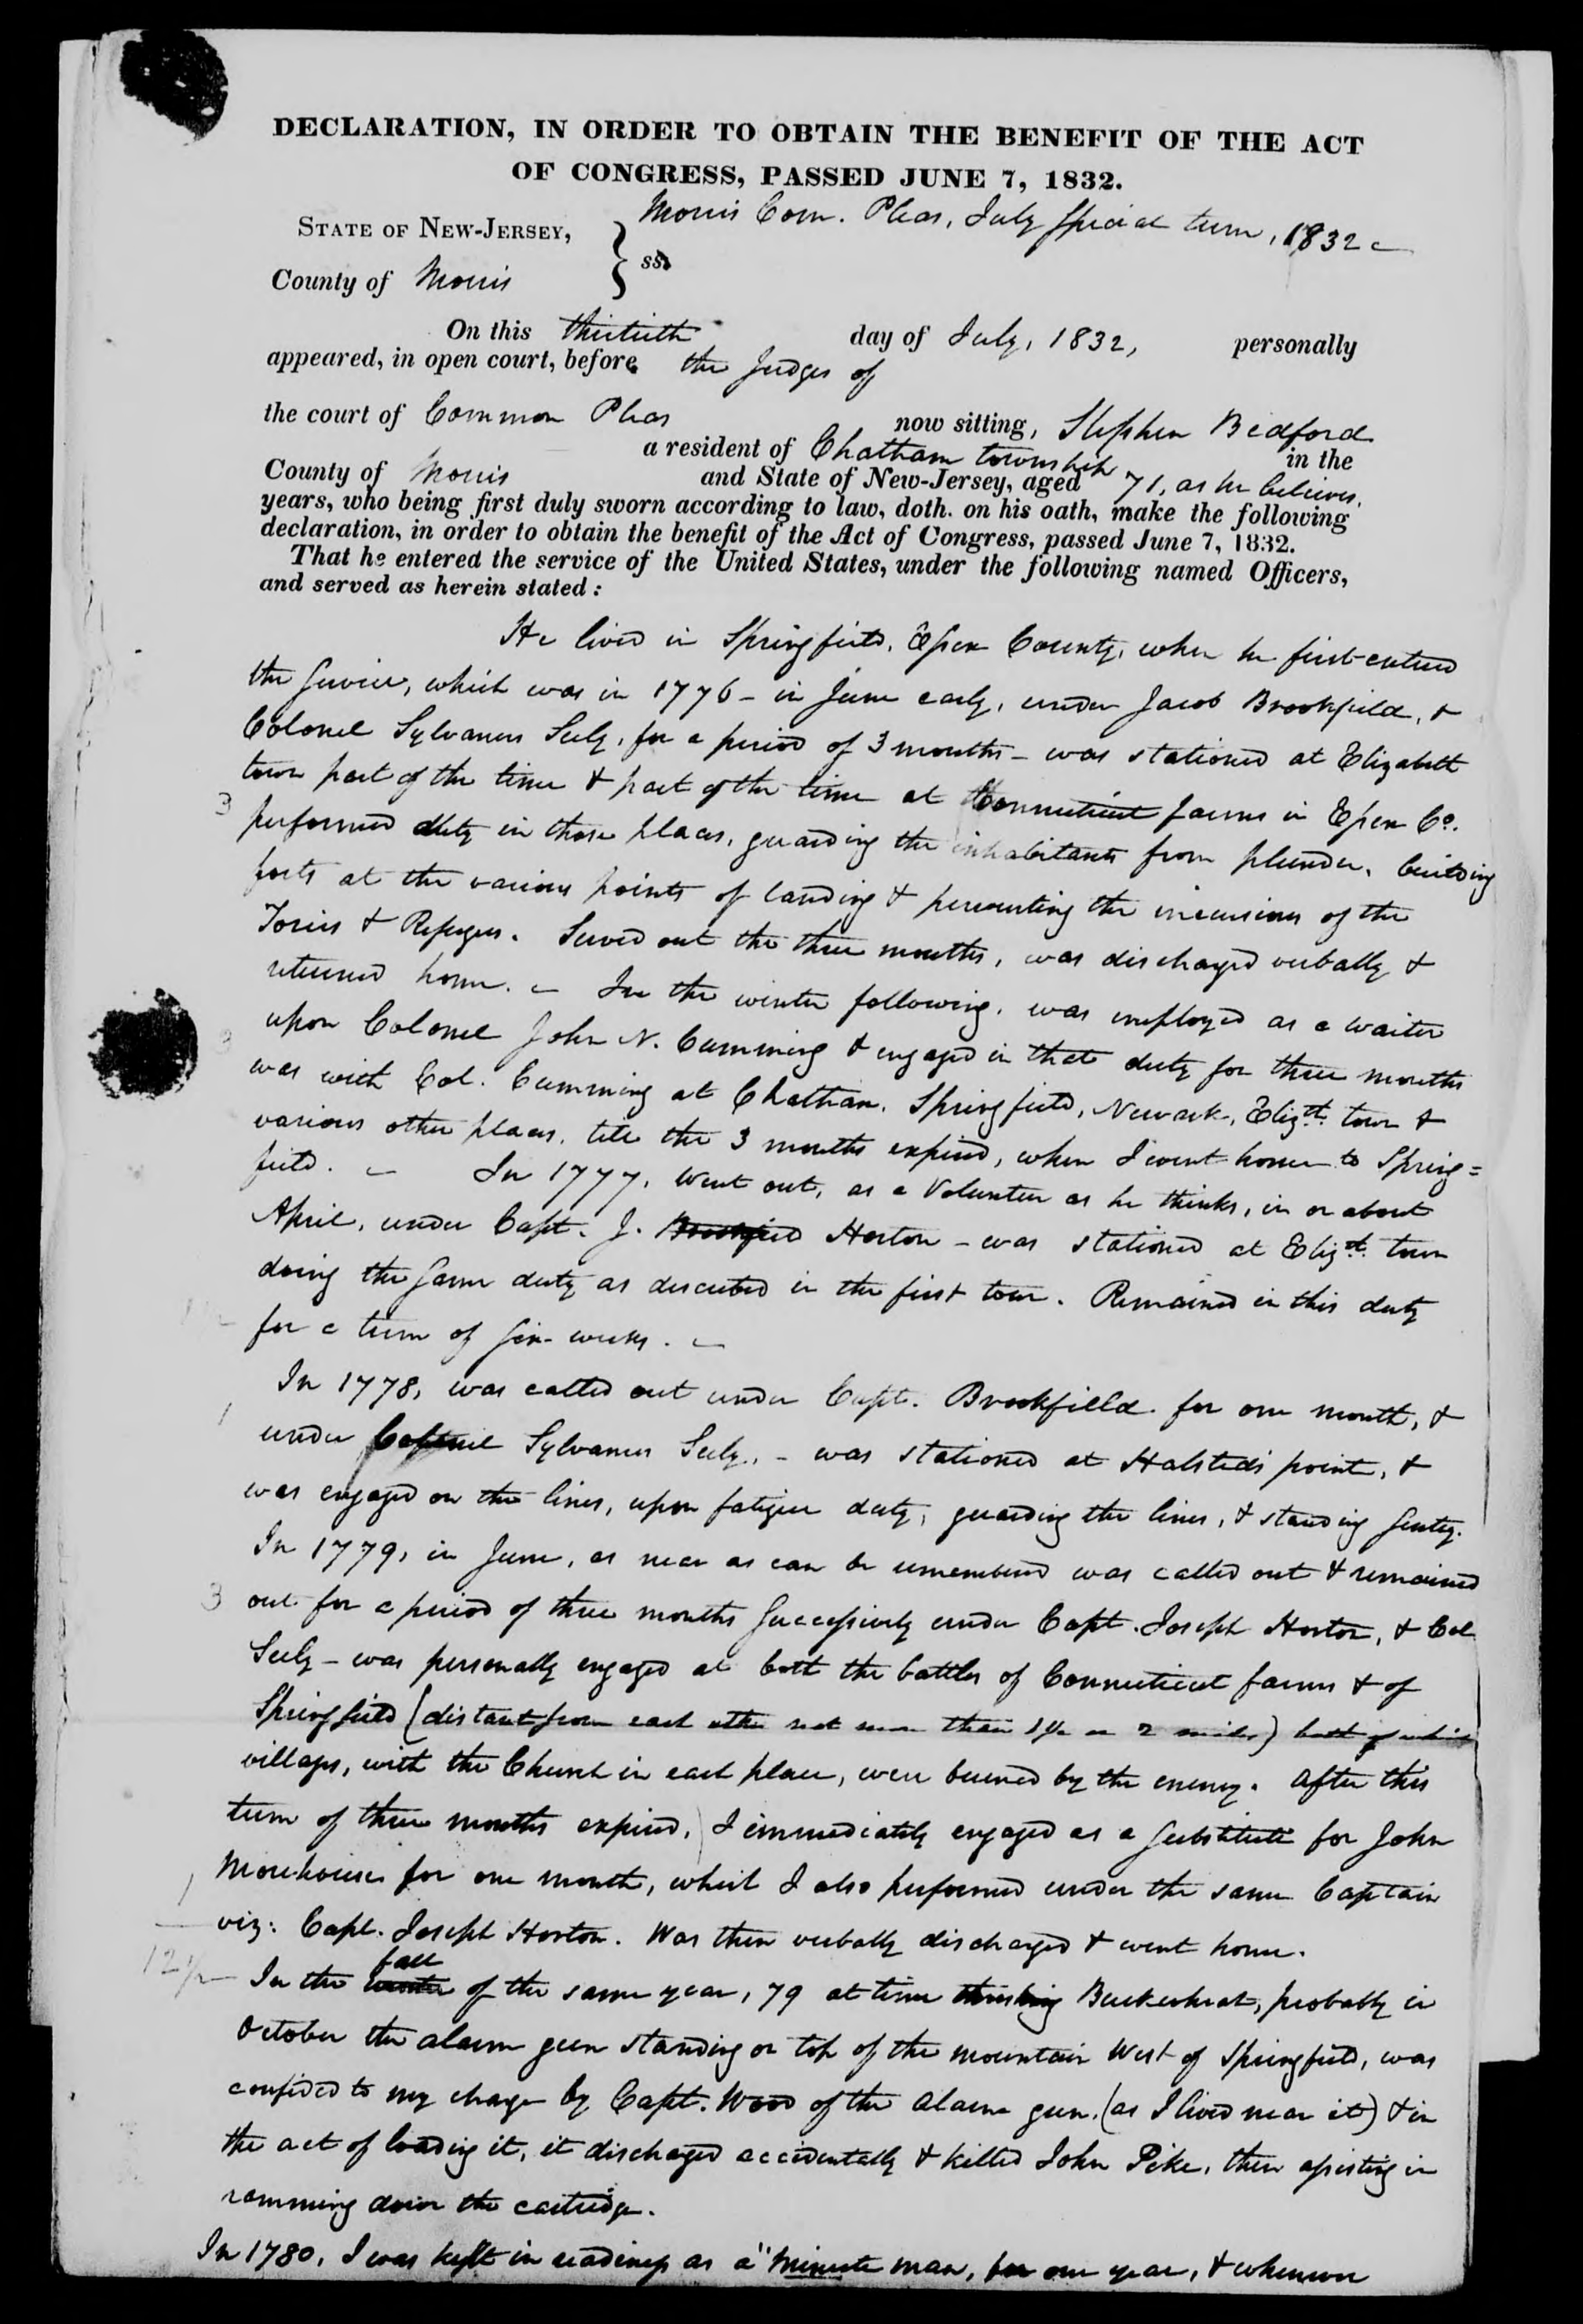DECLARATION, IN ORDER TO OBTAIN THE BENEFIT OF THE ACT OF CONGRESS, PASSED JUNE 7, 1832.
 Morris Com. Plea. July Special term, 1832
State of New Jersey,}
County of Morris} Ss.

On this thirtieth day of July, 1832, personally appeared, in open court, before the Judges of the court of Common Pleas now sitting, Stephen Bedford a resident of Chatham township in the County of Morris and State of New Jersey, aged 71, as he believes, years, who being first duly sworn according to law, doth, on his oath, make the following declaration in order to obtain the benefit of the Act of Congress, passed June 7, 1832.
That he entered the service of the United States, under the following named Officers, and served as herein stated:
He lived in Springfield, Essex County, when he first entered the Service, which was in 1776 in June early, under Jacob Brookfield, & Colonel Sylvanus Seely, for a period of 3 months - was stationed at Elizabeth town part of the time & part of the time at Connecticut farms in Essex Co. performed duty in those places, guarding the inhabitants from plunder, building forts at the various points of landing & preventing the incursion of the Tories & Refugees. Served out the three months, was discharged verbally & returned home. In the winter following, was employed as a waiter upon Colonel John N. Cumming & engaged in that duty for three months was with Col. Cumming at Chatham, Springfield, Newark, Elizthtown [Elizabethtown] & various other places, till the 3 months expired, when I went home to Springfield. In 1777, went out, as a Volunteer as he thinks, in or about April, under Capt. J. Horton - was stationed at Elizth town doing the same duty as described in the first tour. Remained in this duty for a term of Six weeks.
In 1778, was called out under Capt. Brookfield for one month, & under Colonel Sylvanus Seely - was stationed at Halsted's point, & was engaged on the lines, upon fatigue duty, guarding the lines, & standing Sentry. In 1779, in June, as near as he can remember was called out & remained out for a period of three months Successively under Capt. Joseph Horton, & Col Seely - was personally engaged at both the battles of Connecticut farms & of Springfield (distant from each other not more than 1 1/2 or 2 miles) both of which villages, with the Church in each place, were burned by the enemy. After this term of three months expired, I immediately engaged as a Substitute for John Morehouse for one month, which I also performed under the same Captain viz: Capt. Joseph Horton. Was then verbally discharged & went home.
In the fall of the same year, 79 at time threshing Buckwheat, probably in October the alarm gun standing on top of the mountain West of Springfield, was confided to my charge by Capt. Wood of the Alarm gun. (as I lived near it) & in the act of loading it, it discharged accidentally & killed John Pike, then assisting in ramming down the cartridge.
In 1780, I was kept in readiness as a "Minute man, for one year & whenever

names: Jacob Brookfield, Sylvanus Seely, Joseph Horton, John Pike, Seely, J Horton, Wood, Sylvanus Seely, Brookfield, John Morehouse, Stephen Bedford, Joseph Horton, John N Cumming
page: 4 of 31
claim: survivor's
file: S. 2372, Stephen Bedford, New Jersey